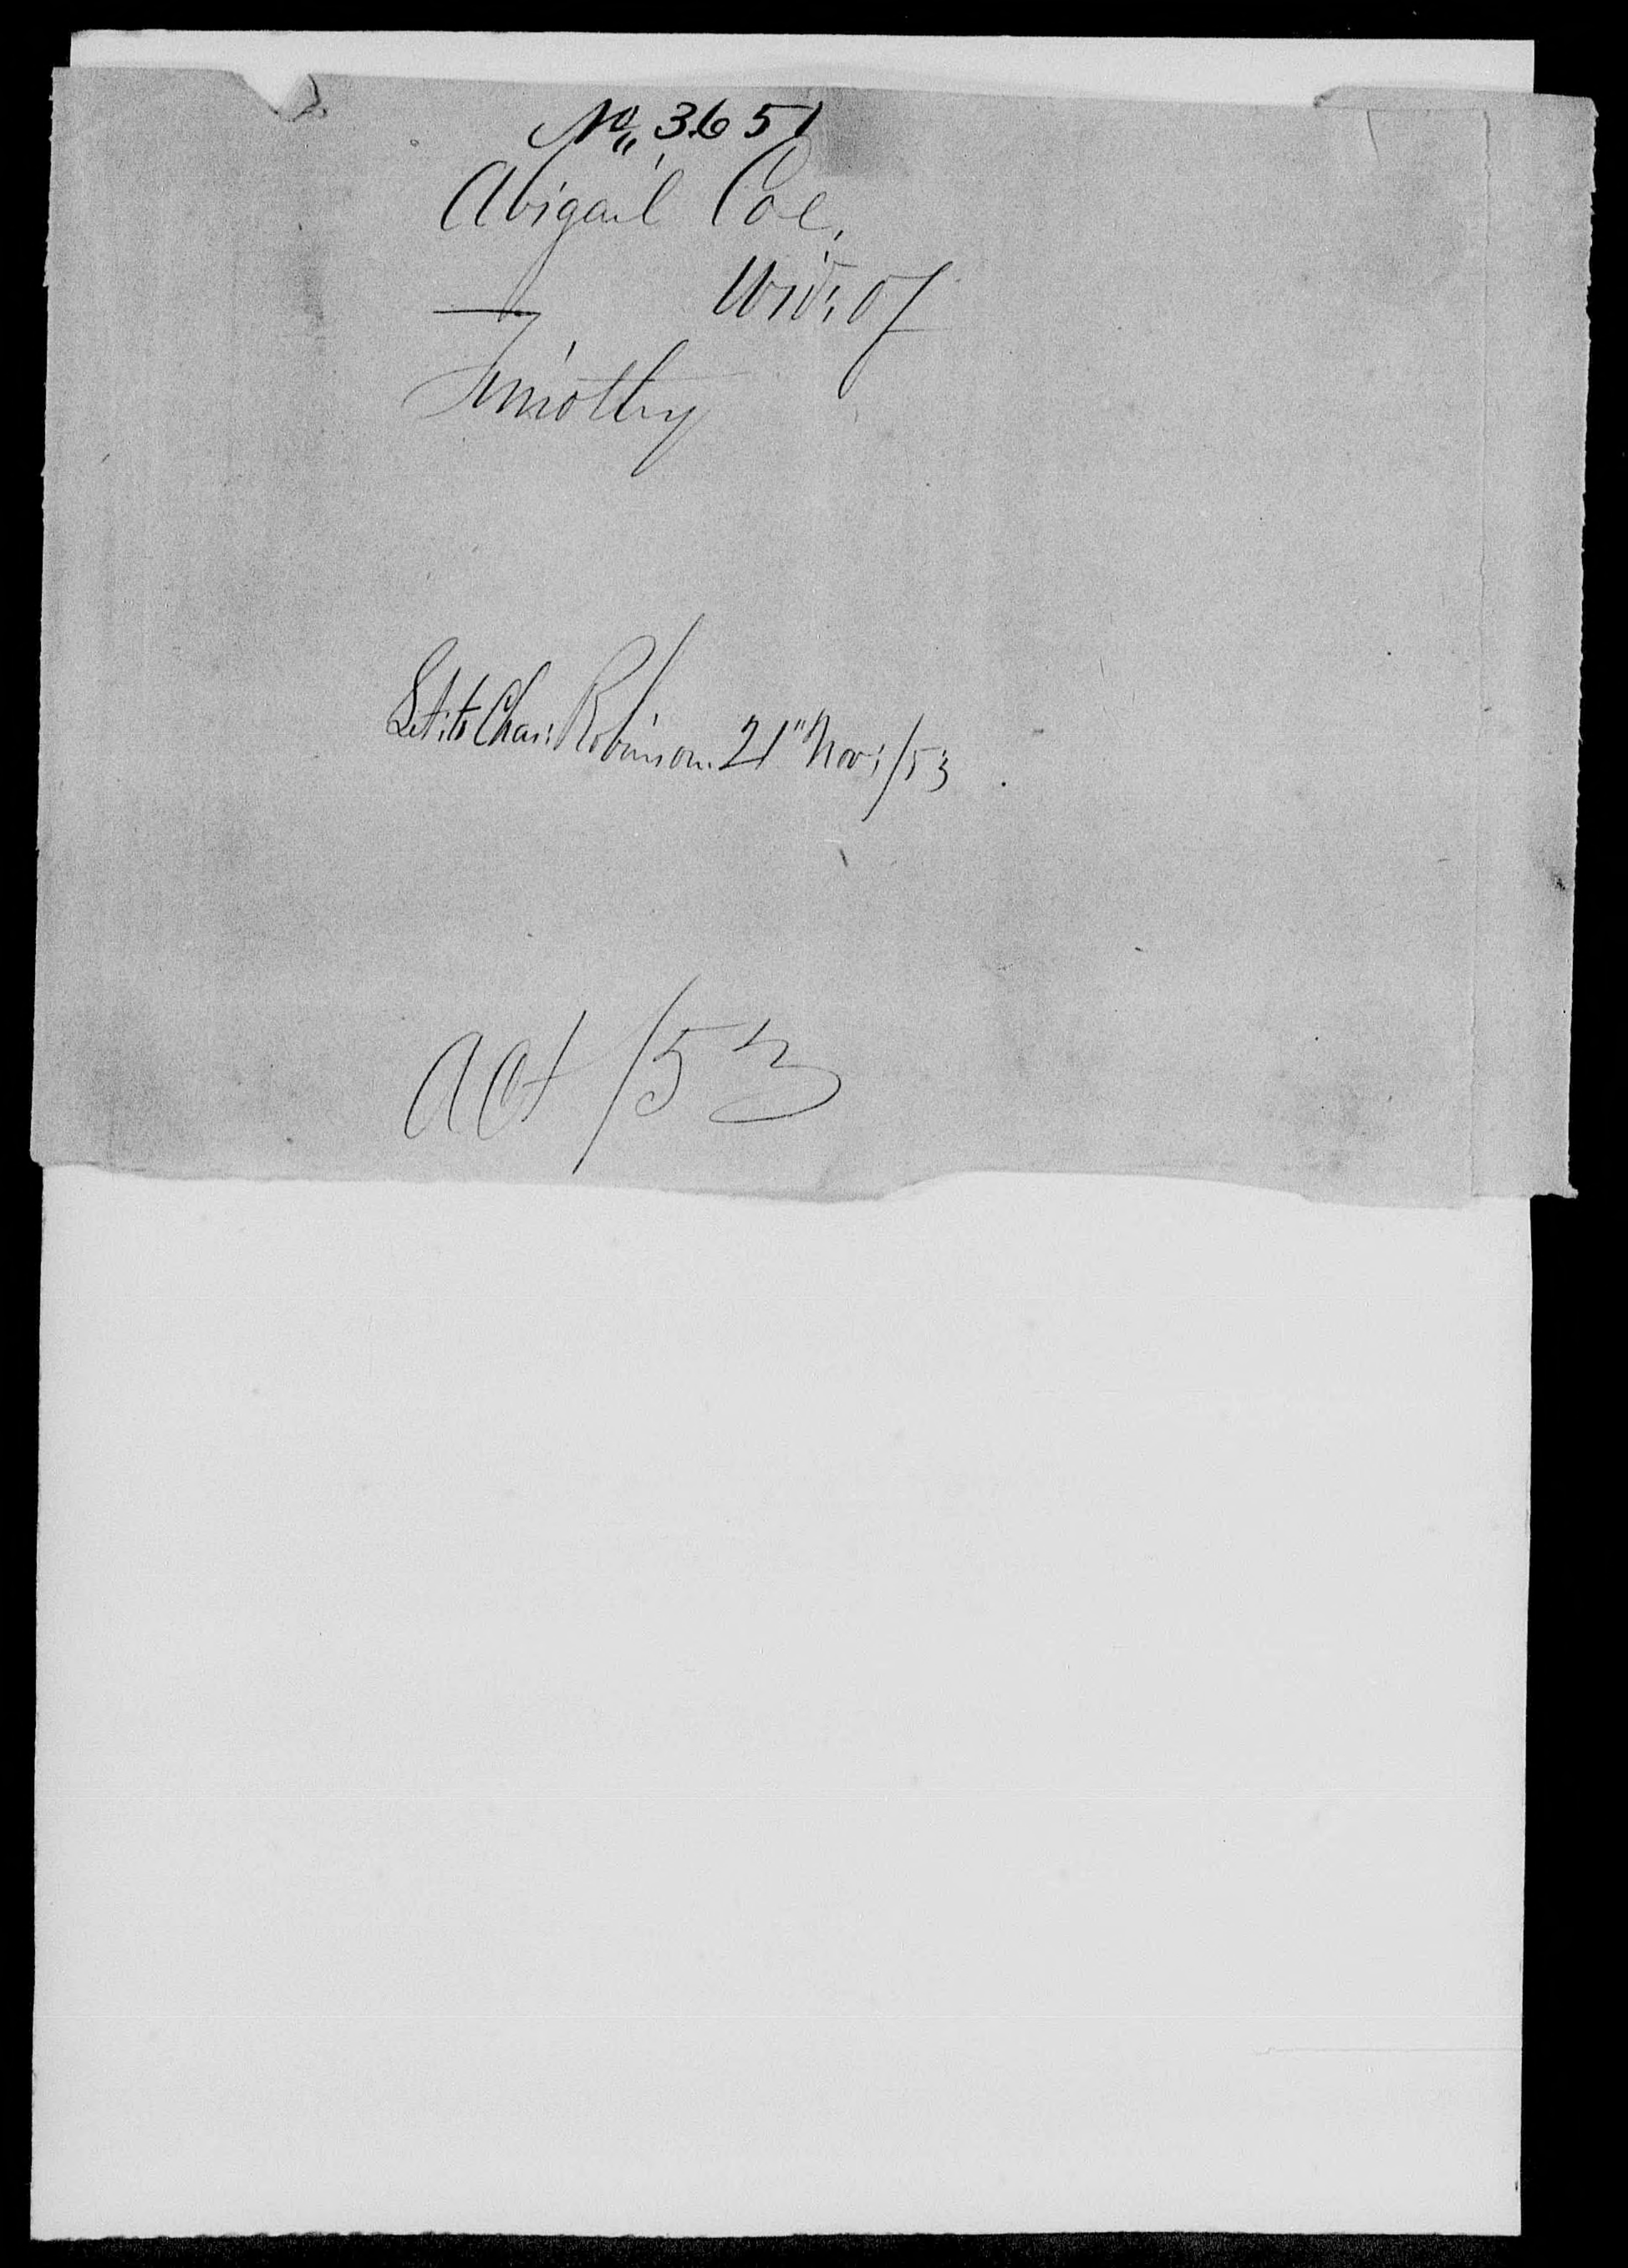No 3651
Abigail Coe,
Wife of
Timothy
Set. to Chas. Robison. 21"Nov;/53
Act /53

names: Abigail Coe, Chas Robinson, Timothy Coe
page: 19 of 76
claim: widow's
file: W. 5,250, Timothy Coe, Conn.